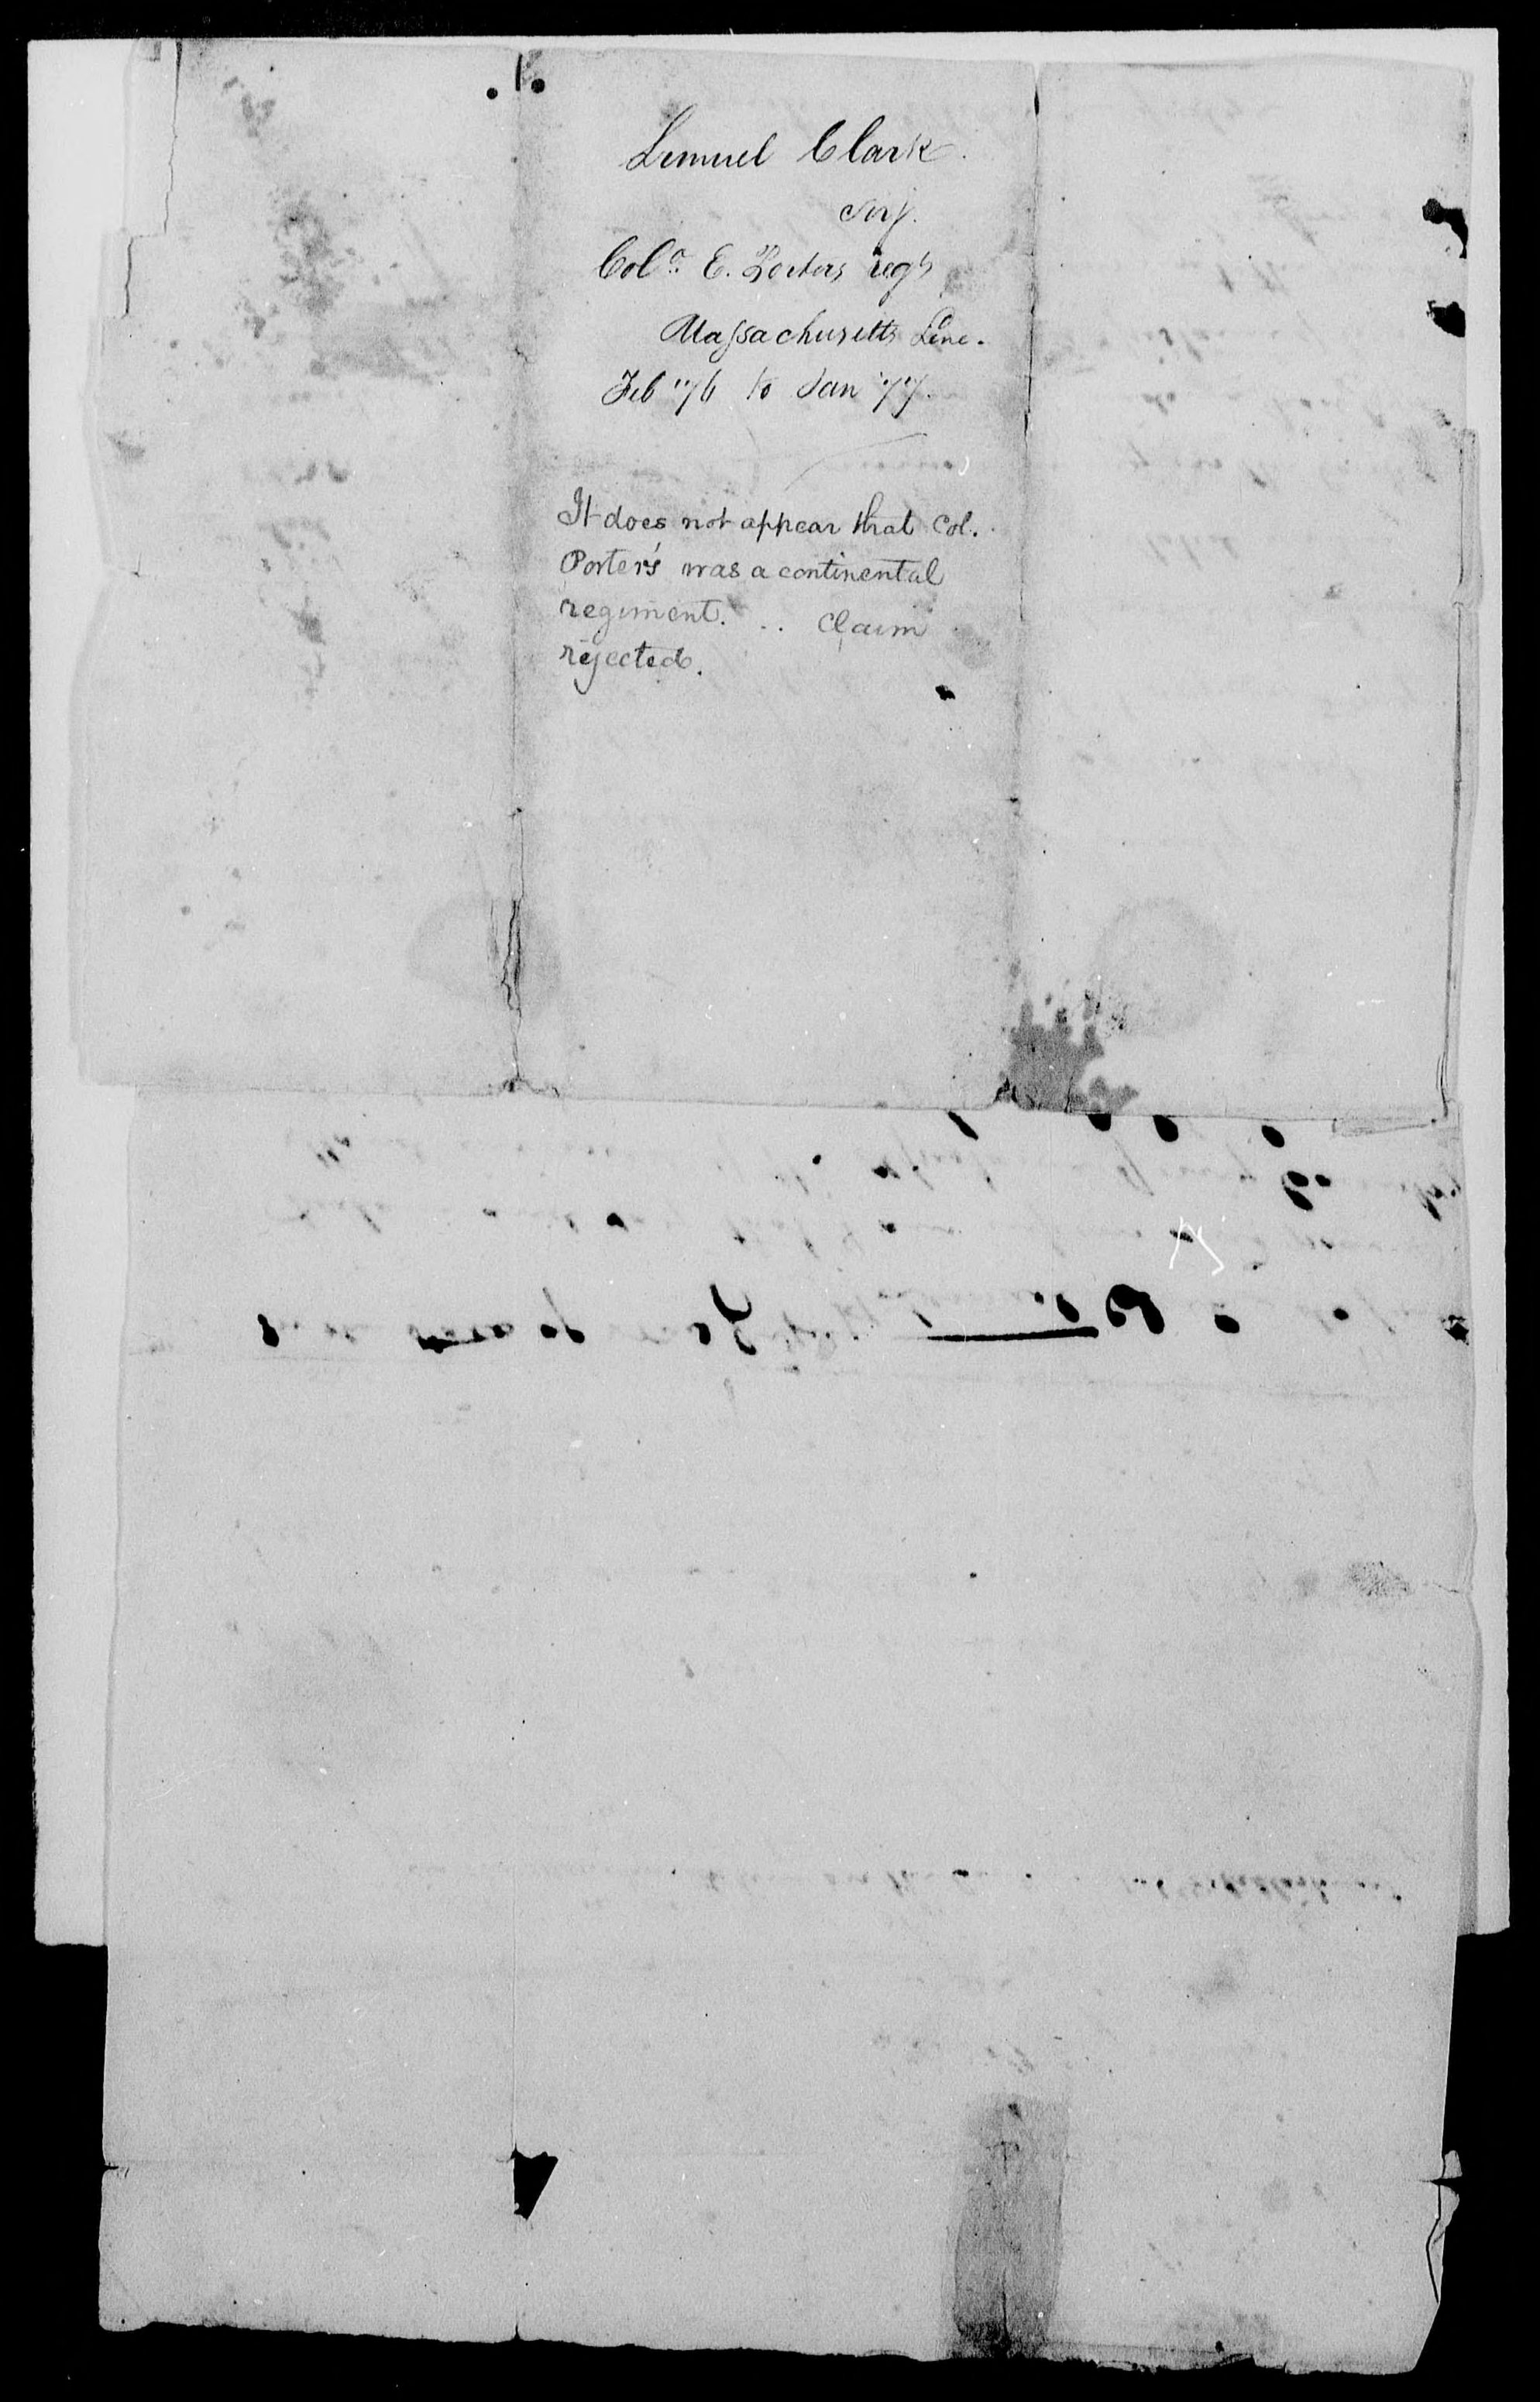Lemuel Clark
Serj

Colo E. Porter's regt
Massachusetts Line
Feb '76 to Jan '77

It does not appear that Col. Porter's was a continental Regiment. claim rejected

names: Lemuel Clark, Porter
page: 39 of 48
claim: survivor's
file: S. 17343, Lemuel Clarke, Mass.